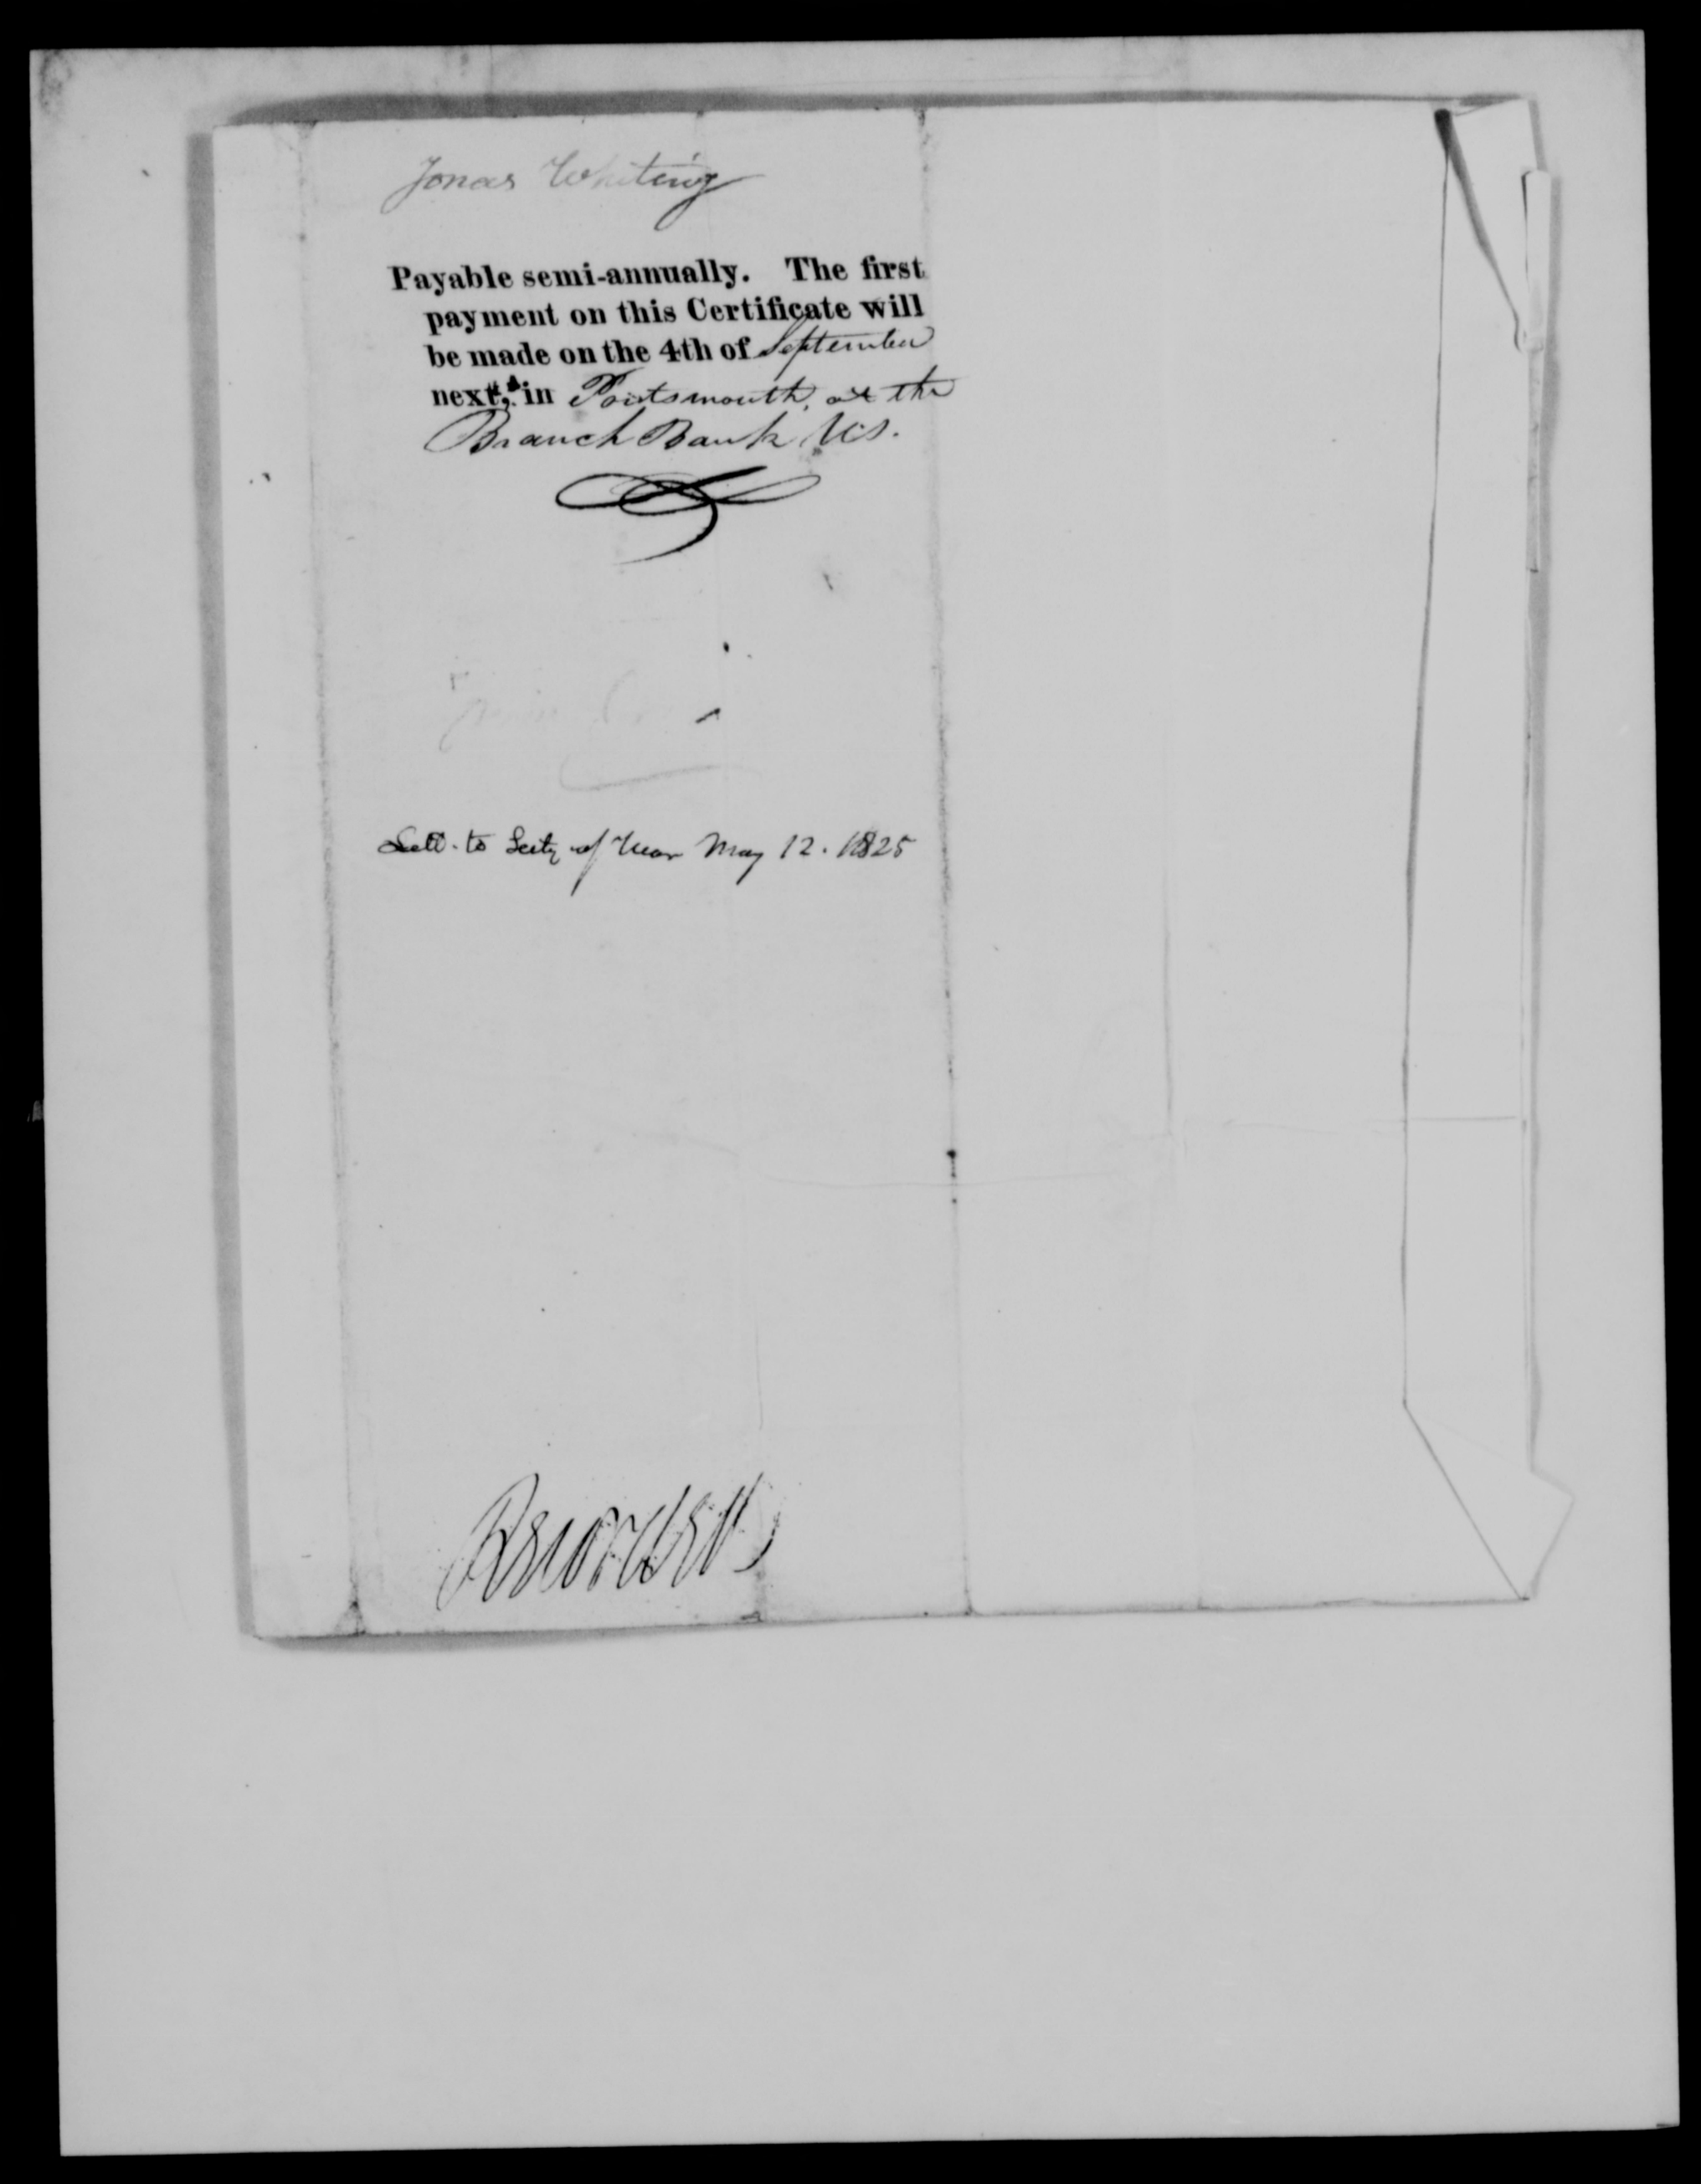Jonas Whiting
Payable semi-annually. The first
payment on this Certificate will be
made on the 4th of September
next in Portsmouth, at the
Branch Banks

Sent to Secty of War May 12, 1825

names: Jonas Whiting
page: 17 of 22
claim: survivor's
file: S. 43298, Jonas Whiting, Mass.